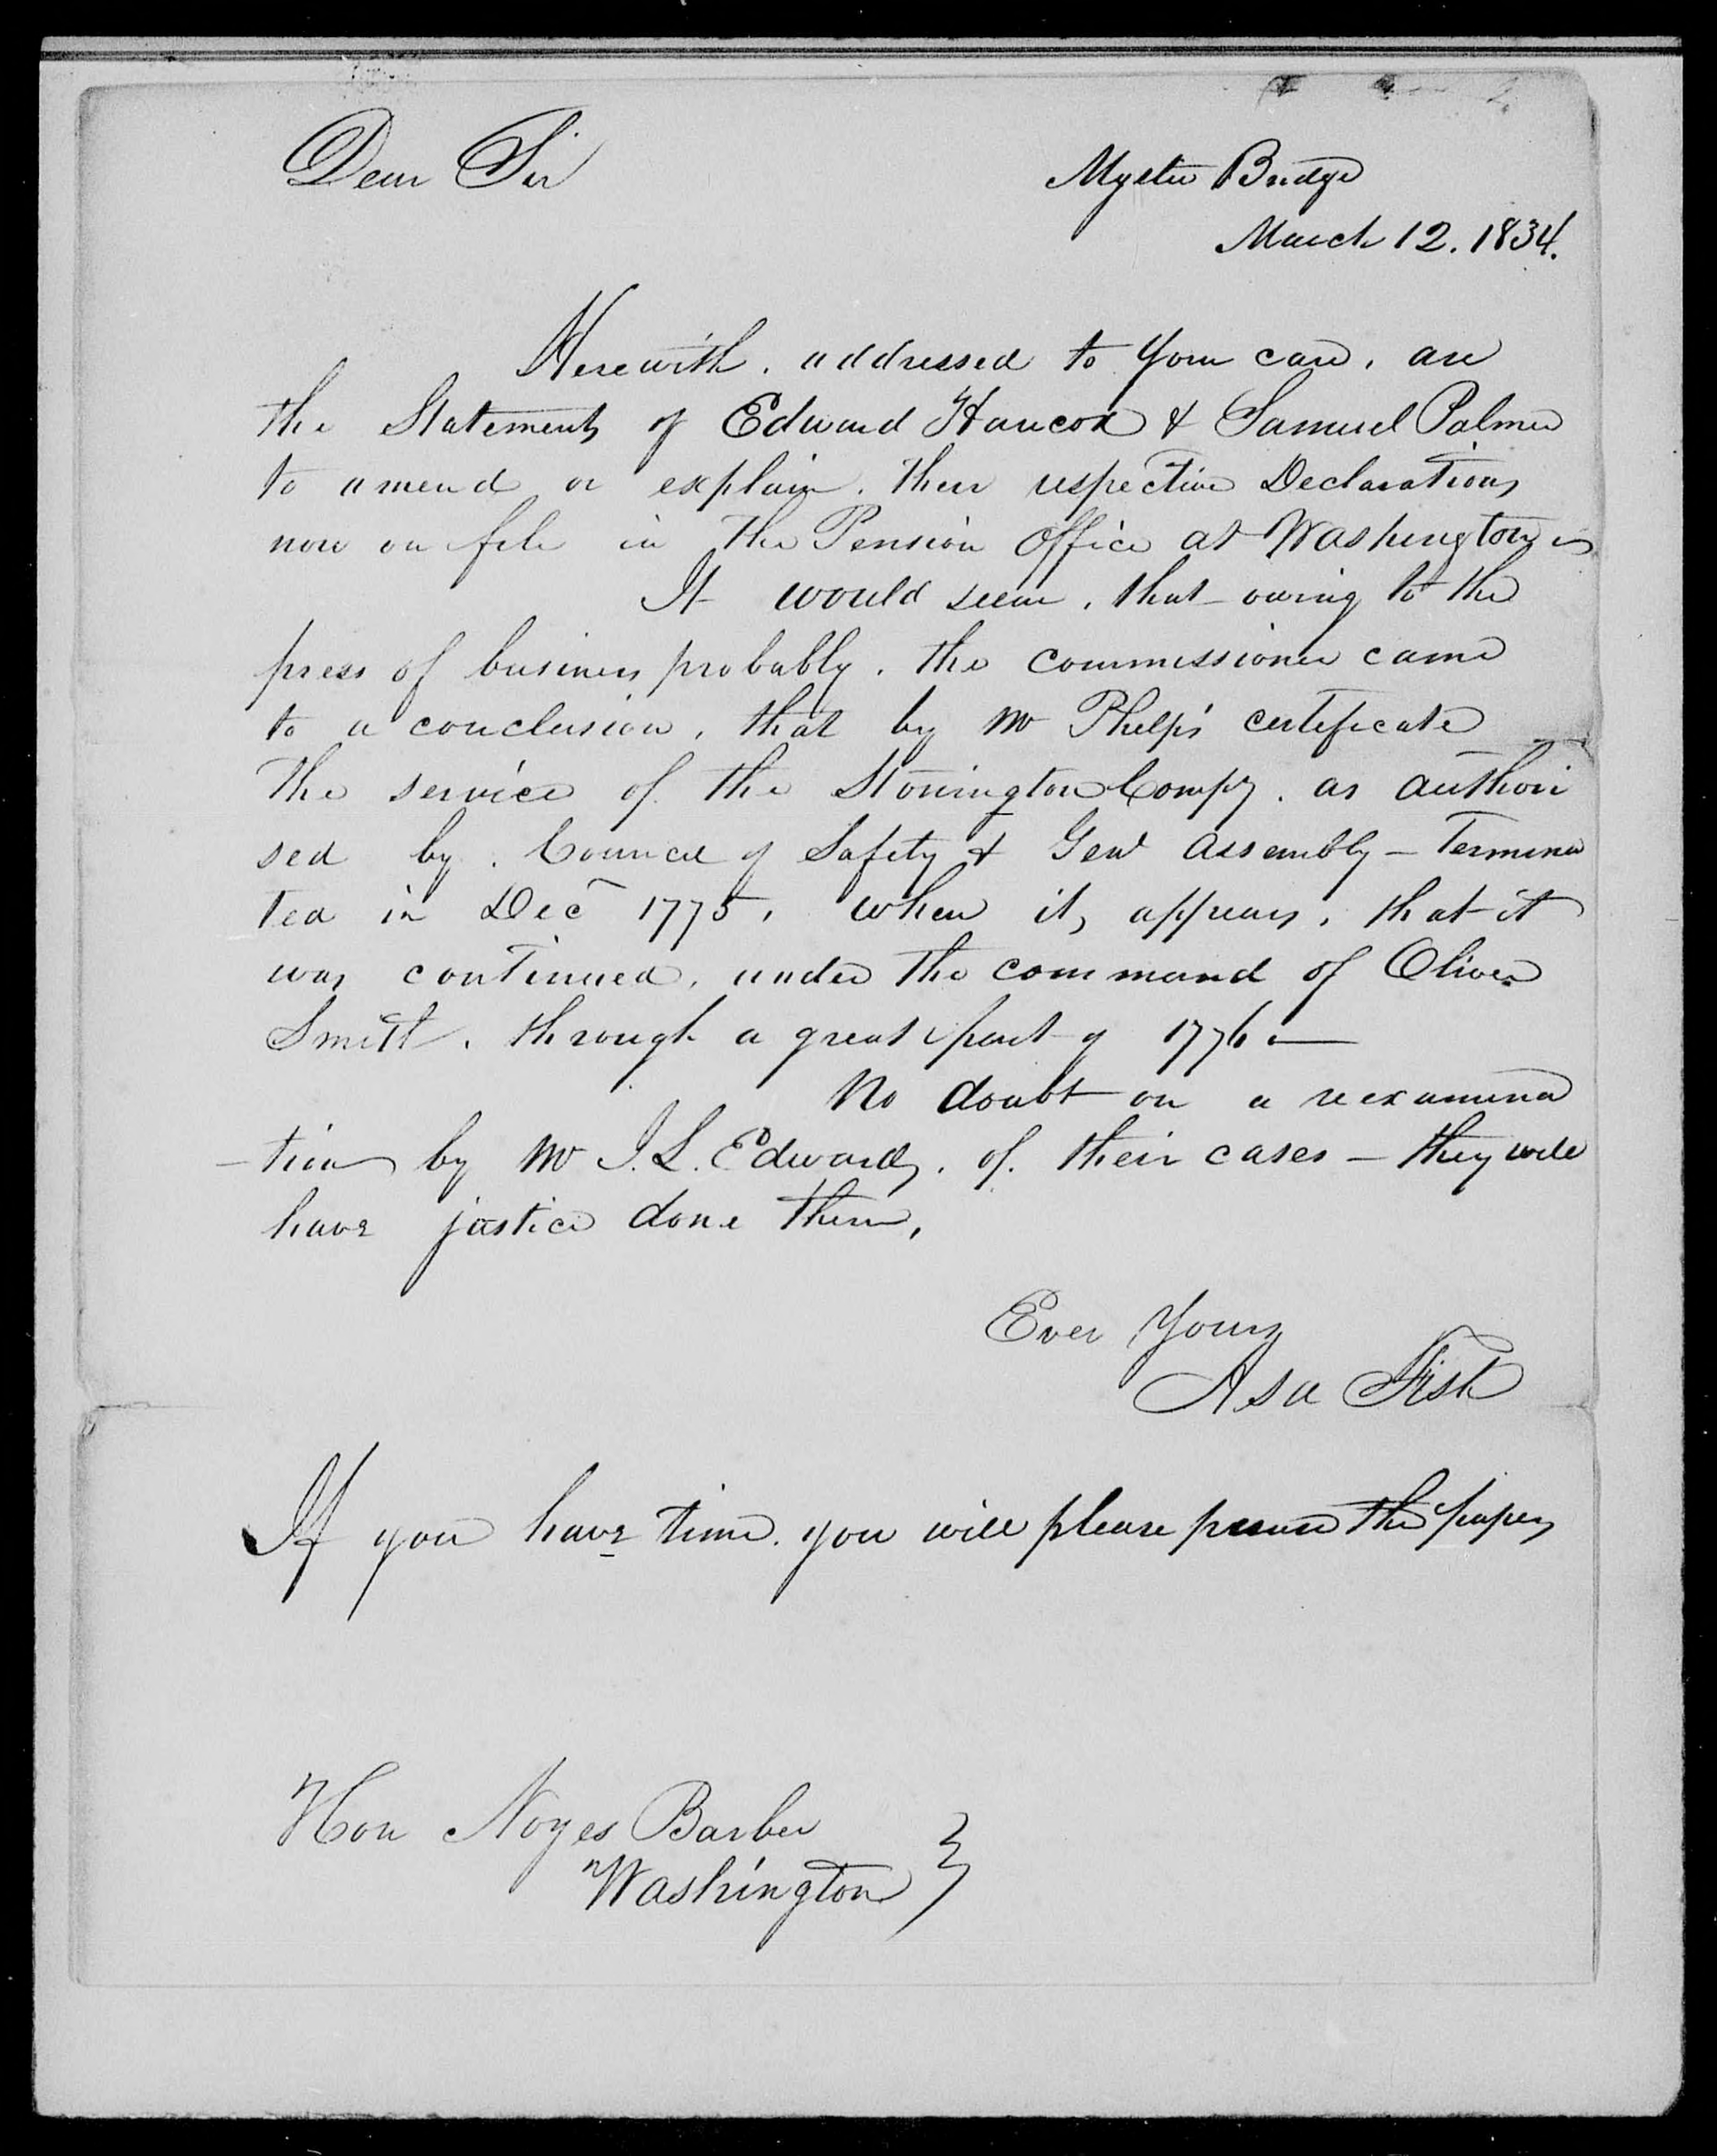Dear Sir
Mystic Bridge
March 12, 1834

Herewith addressed to your care, and
the Statements of Edward Hancock & Samuel Palmer to amend or explain. Their respective declarations now on file in the Pension Office at Washington.
It would serve, that owing to the press of business probably the commissioner came to
a conclusion, that by Mr Phelp's certificate
the service of the Stonington Compy as authorised by Council of Safety & Genl. Assembly. Terminated in Dec 1775, when it appears, that it was continued, under the command of Oliver Smith, through a great part of 1776.
No doubt on a reexamination by J. L. Edward of their cases - they will have justice done them.
Ever Yours
Asa Fish
If you have time you will please provide the papers
Hon Noyes Barber
Washington ⎬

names: Samuel Palmer, Phelps, Oliver Smith, J L Edwards, Noyes Barber, Asa Fish, Edward Hancox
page: 17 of 26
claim: survivor's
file: S. 16843, Edward Hancox, Conn.